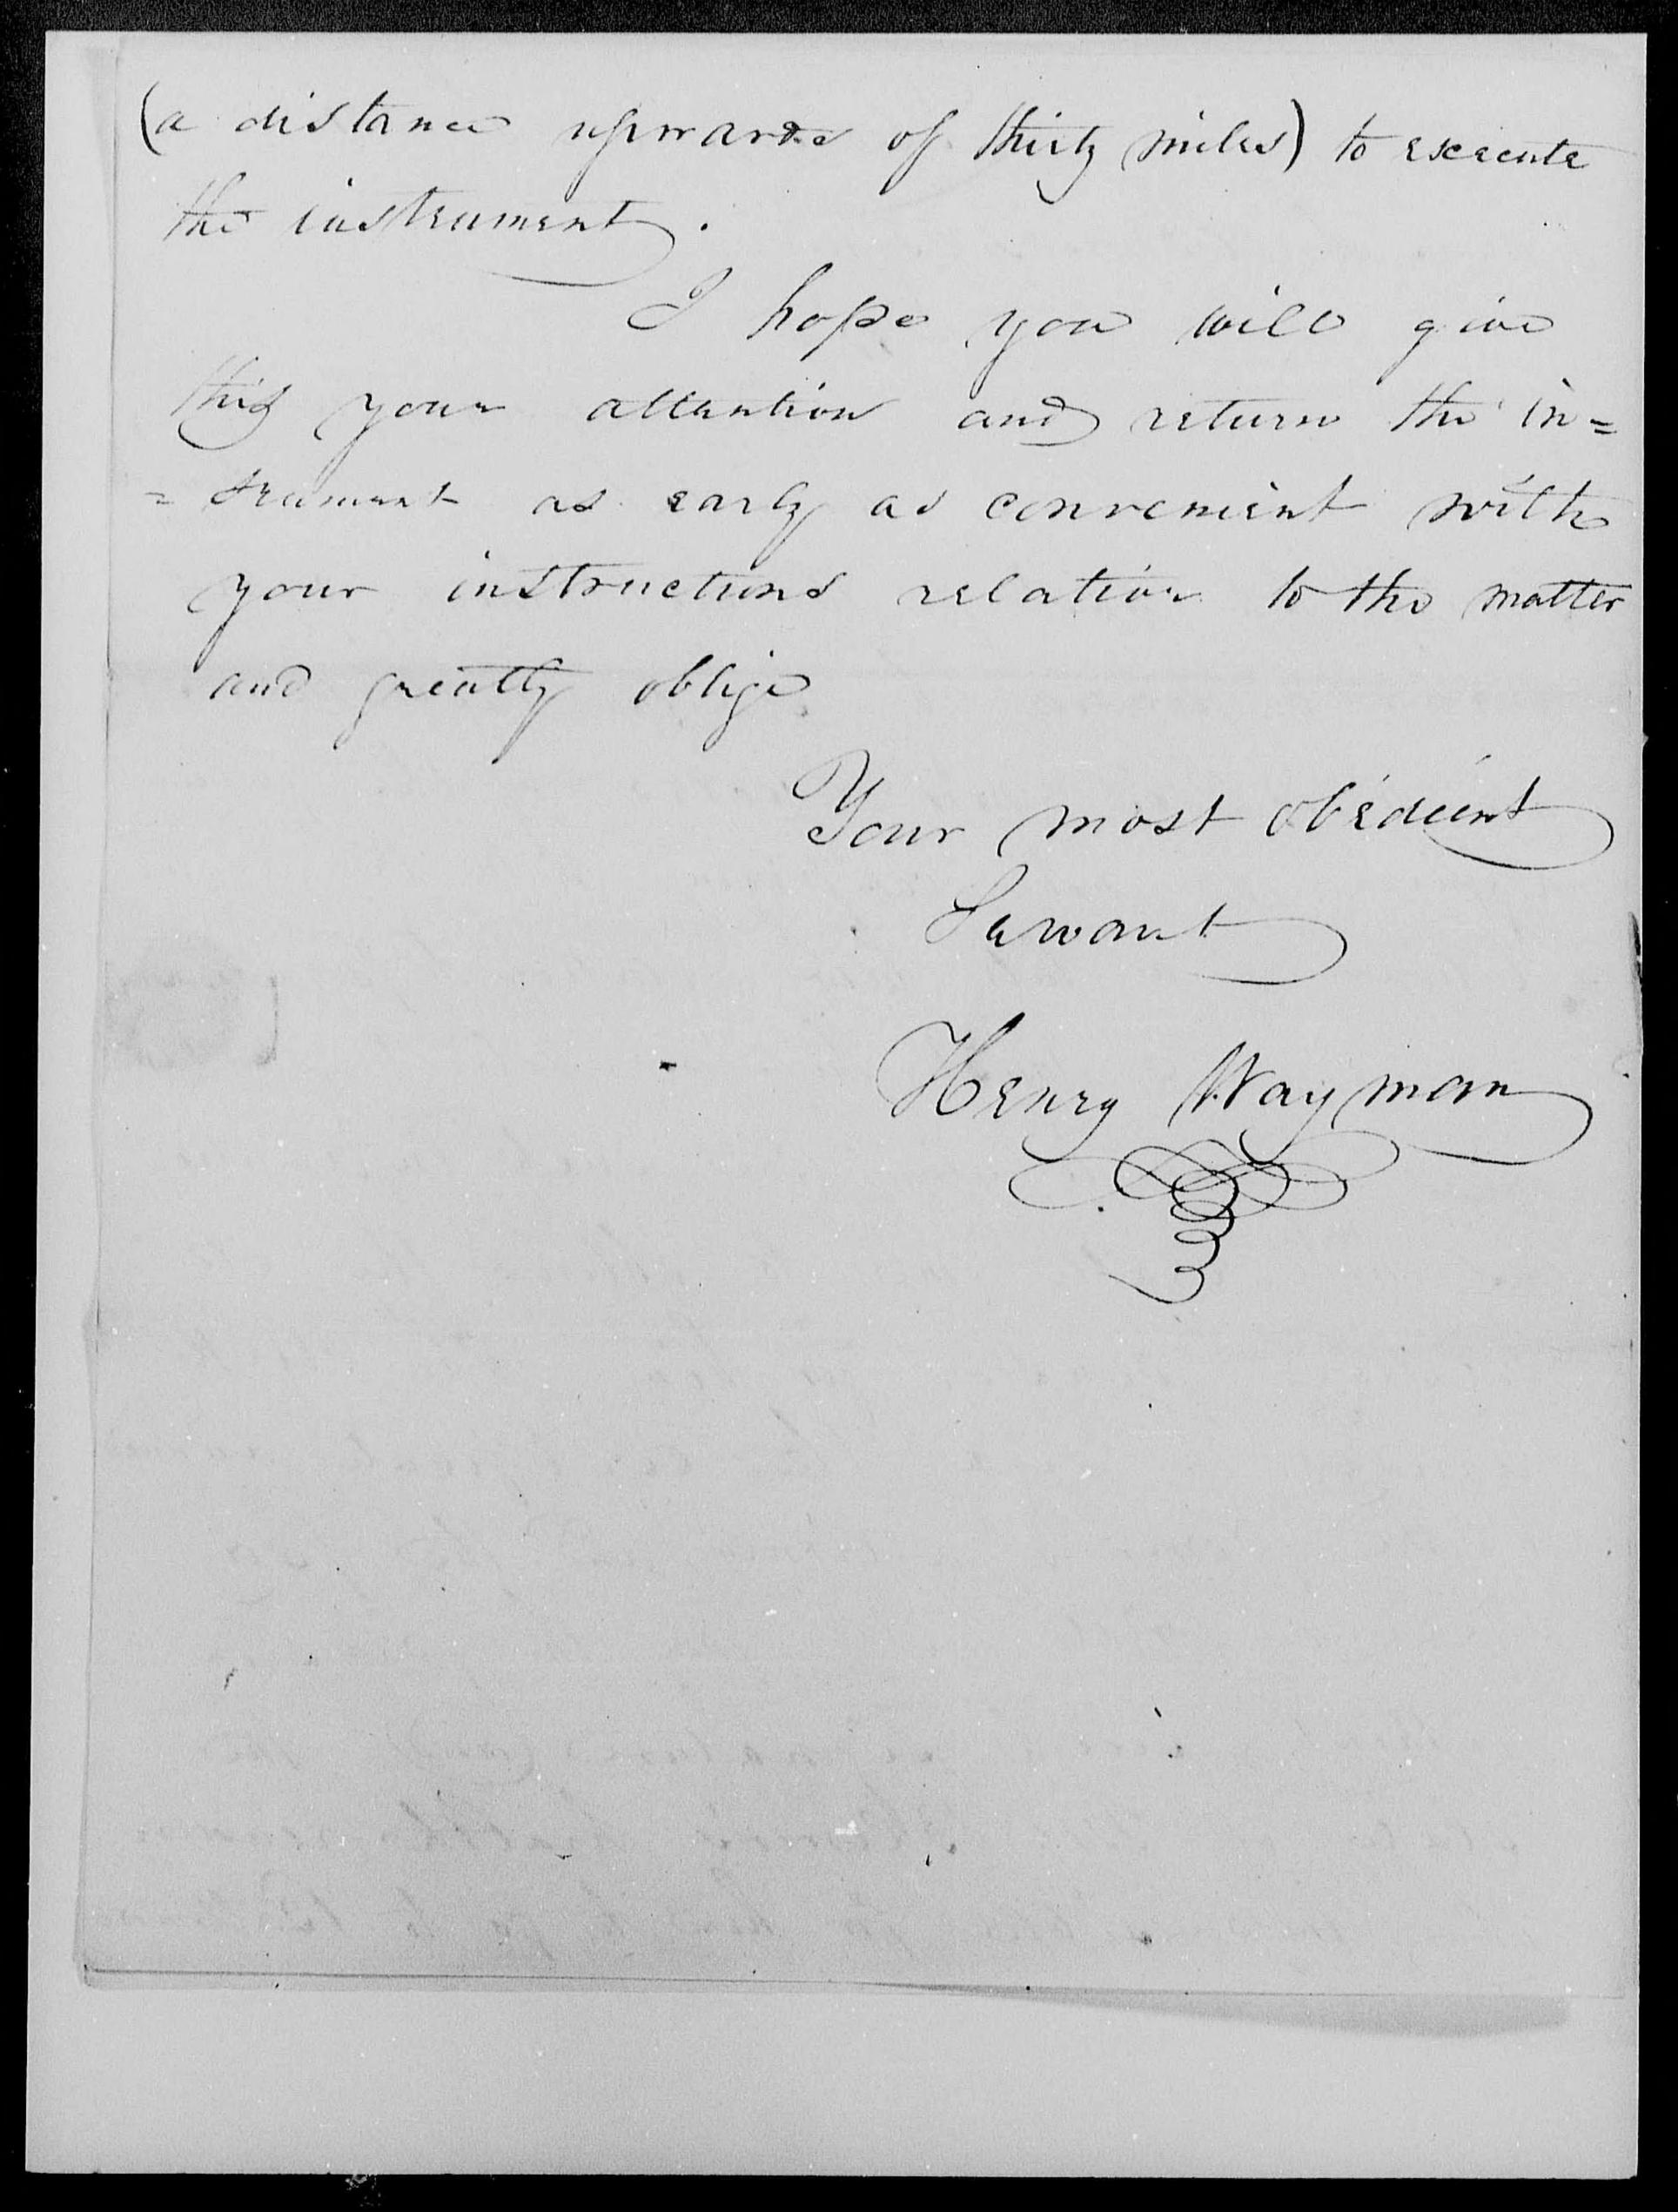(a distance upward of thirty miles) to execute the instrument.
I hope you will give this your attention and return  the instrument as early as convenient with your instruction & relation to this matter and greatly oblige
Your most obedient servant 
Henry  Wayman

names: Henry Wayman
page: 12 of 30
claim: survivor's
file: S. 10093, James Blewer, Md.